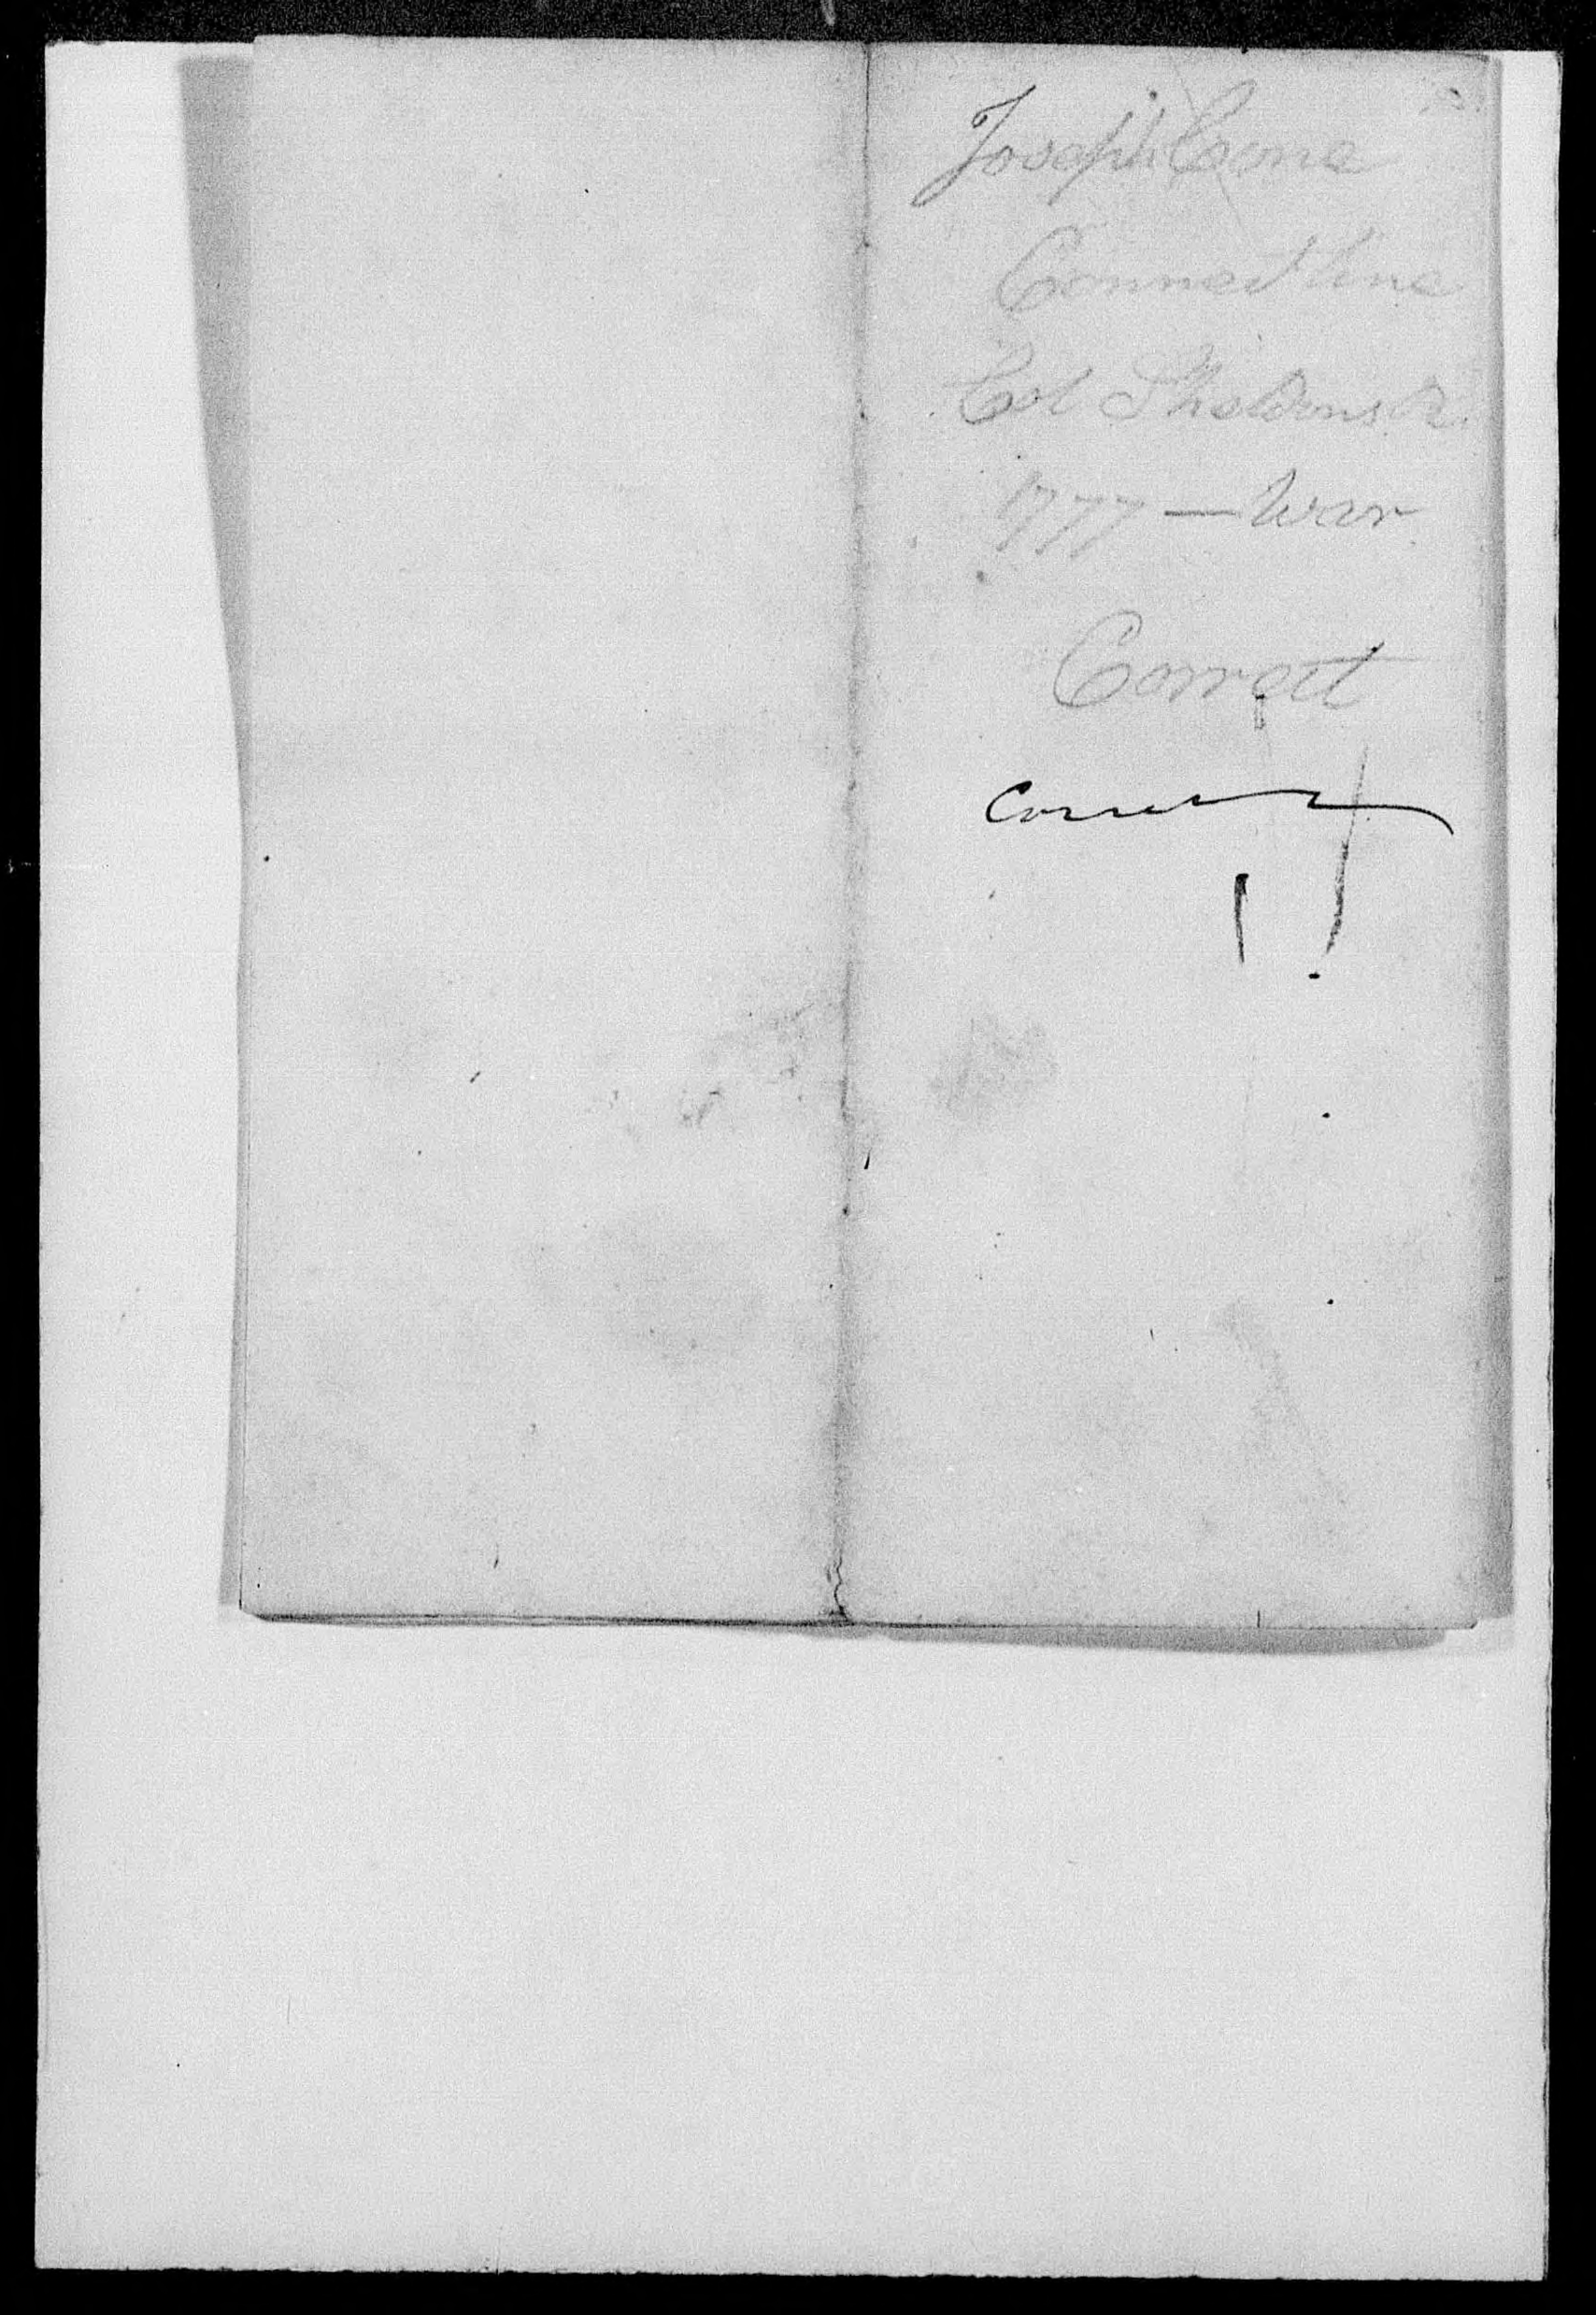Joseph Cone
Connect line
Col Sheldons R.
1777-War
Correct
Conn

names: Sheldons, Joseph Cone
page: 25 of 28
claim: survivor's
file: S. 12569, Joseph Cone, Conn Continental